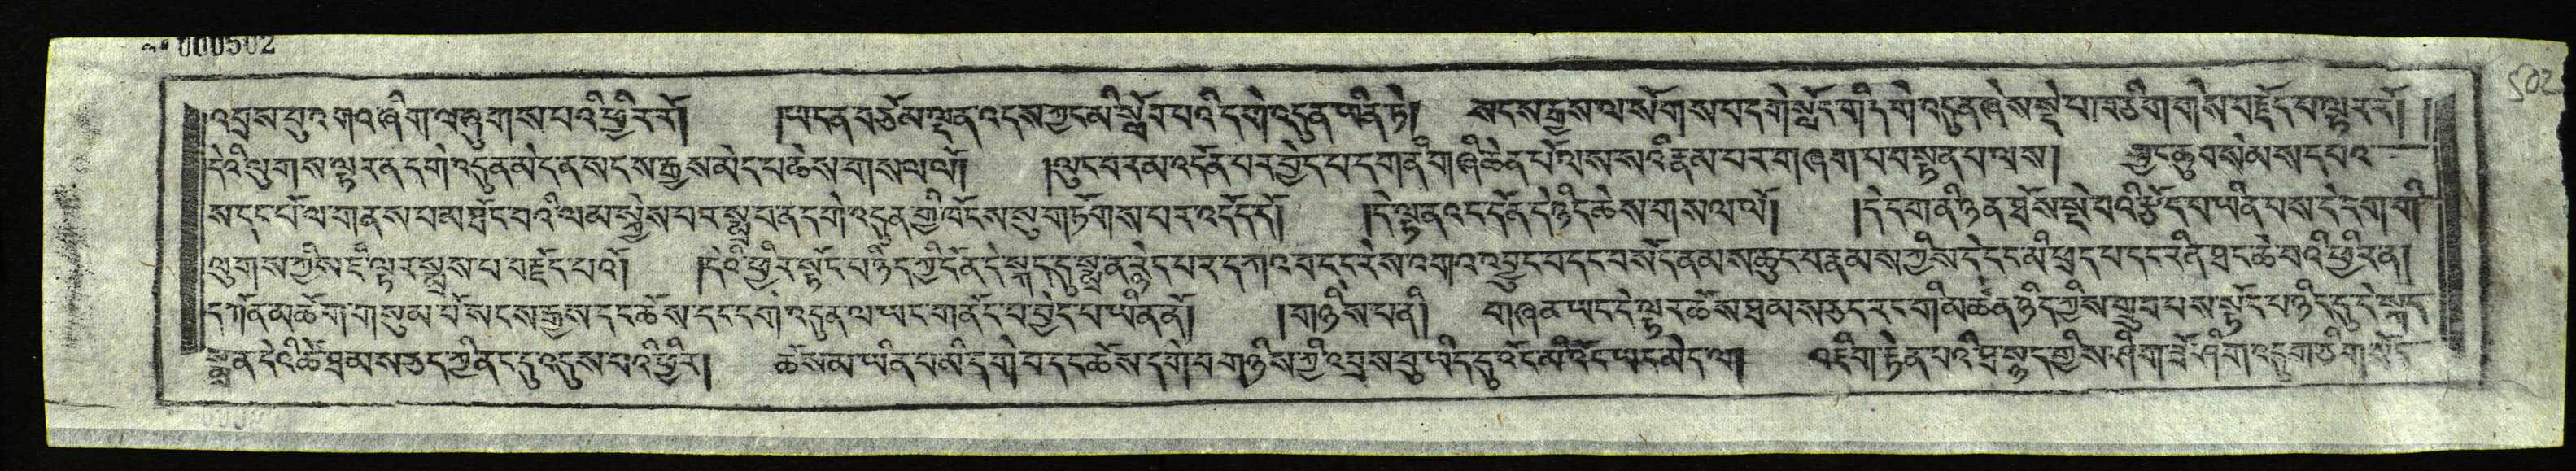འབྲས་བུ་འགའ་ཞིག་ལ་ཞུགས་པའི་ཕྱིར་རོ། །ཡང་ན་བཅོམ་ལྡན་འདས་ཀྱང་མི་སློབ་པའི་དགེ་འདུན་ཡིན་ཏེ། སངས་རྒྱས་ལ་སོགས་པ་དགེ་སློང་གི་དགེ་འདུན་ཞེས་སྡེ་བ་ཁ་ཅིག་གིས་བརྗོད་པ་ལྟར་རོ། །
དེའི་ལུགས་ལྟར་ན་དགེ་འདུན་མེད་ན་སངས་རྒྱས་མེད་པ་ཆེས་གསལ་ལོ། །ལུང་བར་མ་འདོན་པར་བྱེད་པ་དག་ནི་གཞི་ཆེན་པོ་ལས་སའི་རྣམ་པར་གཞག་པ་བསྟན་པ་ལས། བྱང་ཆུབ་སེམས་དཔའ་
ས་དང་པོ་ལ་གནས་པ་མཐོང་བའི་ལམ་སྐྱེས་པར་སྨྲ་བ་ན་དགེ་འདུན་གྱི་ཁོངས་སུ་གཏོགས་པར་འདོད་དོ། །དེ་ལྟ་ནའང་དོན་དེ་ཉིད་ཆེས་གསལ་ལོ། །དེ་དག་ནི་ཉན་ཐོས་སྡེ་བའི་རྩོད་པ་ཡིན་པས་དེ་དག་གི་
ལུགས་ཀྱིས་ཇི་ལྟར་སྨྲས་པ་བརྗོད་པའོ། །དེའི་ཕྱིར་སྟོང་པ་ཉིད་ཀྱི་དོན་དེ་སྐད་དུ་སྨྲ་ན་རྙེད་པར་དཀའ་བ་དང་རེས་འགའ་འབྱུང་བ་དང་བསོད་ནམས་ཆུང་བ་རྣམས་ཀྱིས་དེ་དང་མི་ཕྲད་པ་དང་རིན་ཐང་ཆེ་བའི་ཕྱིར་ན།
དཀོན་མཆོག་གསུམ་པོ་སངས་རྒྱས་དང་ཆོས་དང་དགེ་འདུན་ལ་ཡང་གནོད་པ་བྱེད་པ་ཡིན་ནོ། །གཉིས་པ་ནི། གཞན་ཡང་དེ་ལྟར་ཆོས་ཐམས་ཅད་རང་གི་མཚན་ཉིད་ཀྱིས་གྲུབ་པས་སྟོང་པ་ཉིད་དུ་དེ་སྐད་
སྨྲ་ན་དེའི་ཚེ་ཐམས་ཅད་ཀྱི་ནང་དུ་འདུས་པའི་ཕྱིར། ཆོས་མ་ཡིན་པ་མི་དགེ་བ་དང་ཆོས་དགེ་བ་གཉིས་ཀྱི་འབྲས་བུ་ཡིད་དུ་འོང་མི་འོང་ཡང་མེད་ལ། འཇིག་རྟེན་པའི་ཐ་སྙད་གྱིས་ཤིག་ཟོ་ཤིག་འདུག་ཅིག་སོང་